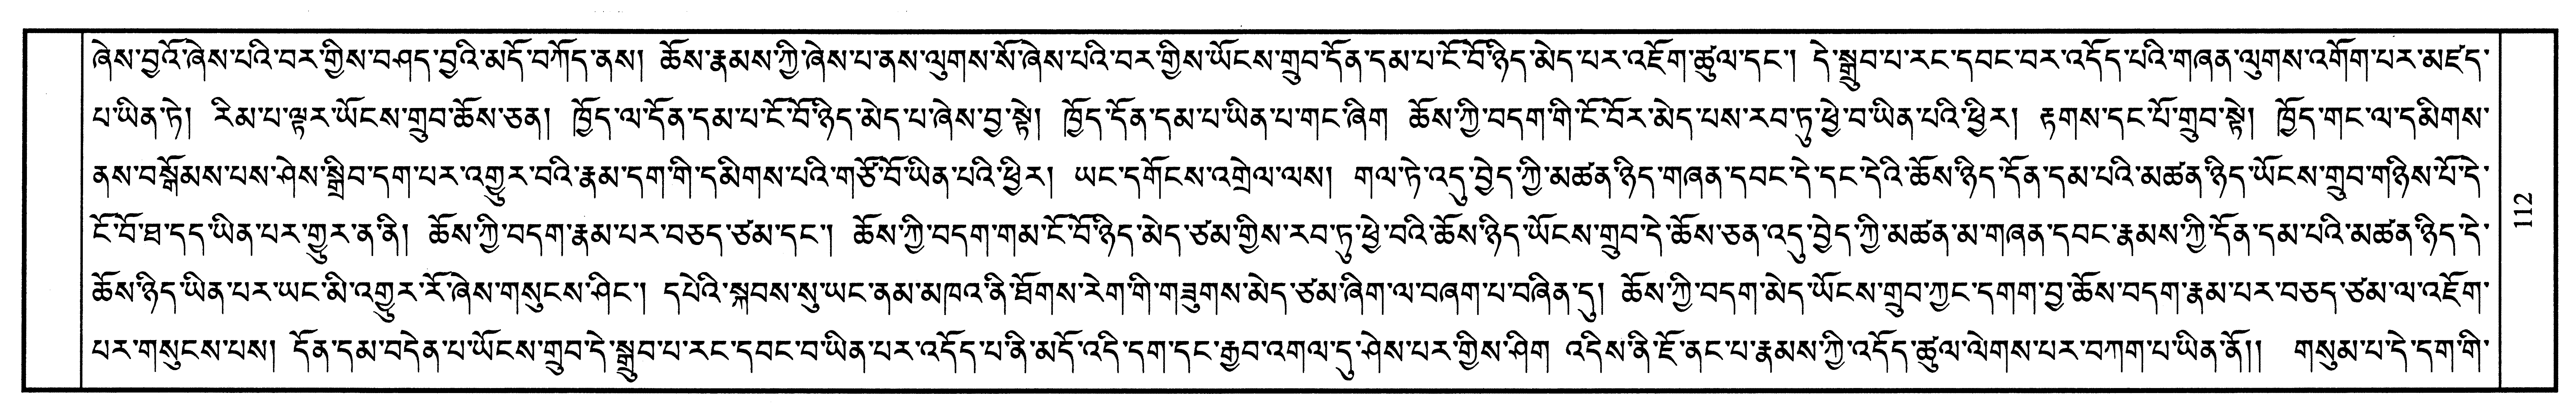ཞེས་བྱའོ་ཞེས་པའི་བར་གྱིས་བཤད་བྱའི་མདོ་བཀོད་ནས། ཆོས་རྣམས་ཀྱི་ཞེས་པ་ནས་ལུགས་སོ་ཞེས་པའི་བར་གྱིས་ཡོངས་གྲུབ་དོན་དམ་པ་ངོ་བོ་ཉིད་མེད་པར་འཇོག་ཚུལ་དང་། དེ་སྒྲུབ་པ་རང་དབང་བར་འདོད་པའི་གཞན་ལུགས་འགོག་པར་མཛད་
པ་ཡིན་ཏེ། རིམ་པ་ལྟར་ཡོངས་གྲུབ་ཆོས་ཅན། ཁྱོད་ལ་དོན་དམ་པ་ངོ་བོ་ཉིད་མེད་པ་ཞེས་བྱ་སྟེ། ཁྱོད་དོན་དམ་པ་ཡིན་པ་གང་ཞིག་ཆོས་ཀྱི་བདག་གི་ངོ་བོར་མེད་པས་རབ་ཏུ་ཕྱེ་བ་ཡིན་པའི་ཕྱིར། རྟགས་དང་པོ་གྲུབ་སྟེ། ཁྱོད་གང་ལ་དམིགས་
ནས་བསྒོམས་པས་ཤེས་སྒྲིབ་དག་པར་འགྱུར་བའི་རྣམ་དག་གི་དམིགས་པའི་གཙོ་བོ་ཡིན་པའི་ཕྱིར། ཡང་དགོངས་འགྲེལ་ལས། གལ་ཏེ་འདུ་བྱེད་ཀྱི་མཚན་ཉིད་གཞན་དབང་དེ་དང་དེའི་ཆོས་ཉིད་དོན་དམ་པའི་མཚན་ཉིད་ཡོངས་གྲུབ་གཉིས་པོ་དེ་
ངོ་བོ་ཐ་དད་ཡིན་པར་གྱུར་ན་ནི། ཆོས་ཀྱི་བདག་རྣམ་པར་བཅད་ཙམ་དང་། ཆོས་ཀྱི་བདག་གམ་ངོ་བོ་ཉིད་མེད་ཙམ་གྱིས་རབ་ཏུ་ཕྱེ་བའི་ཆོས་ཉིད་ཡོངས་གྲུབ་དེ་ཆོས་ཅན་འདུ་བྱེད་ཀྱི་མཚན་མ་གཞན་དབང་རྣམས་ཀྱི་དོན་དམ་པའི་མཚན་ཉིད་དེ་
ཆོས་ཉིད་ཡིན་པར་ཡང་མི་འགྱུར་རོ་ཞེས་གསུངས་ཤིང་། དཔེའི་སྐབས་སུ་ཡང་ནམ་མཁའ་ནི་ཐོགས་རེག་གི་གཟུགས་མེད་ཙམ་ཞིག་ལ་བཞག་པ་བཞིན་དུ། ཆོས་ཀྱི་བདག་མེད་ཡོངས་གྲུབ་ཀྱང་དགག་བྱ་ཆོས་བདག་རྣམ་པར་བཅད་ཙམ་ལ་འཇོག་
པར་གསུངས་པས། དོན་དམ་བདེན་པ་ཡོངས་གྲུབ་དེ་སྒྲུབ་པ་རང་དབང་བ་ཡིན་པར་འདོད་པ་ནི་མདོ་འདི་དག་དང་རྒྱབ་འགལ་དུ་ཤེས་པར་གྱིས་ཤིག་འདིས་ནི་ཇོ་ནང་པ་རྣམས་ཀྱི་འདོད་ཚུལ་ལེགས་པར་བཀག་པ་ཡིན་ནོ།། གསུམ་པ་དེ་དག་གི་